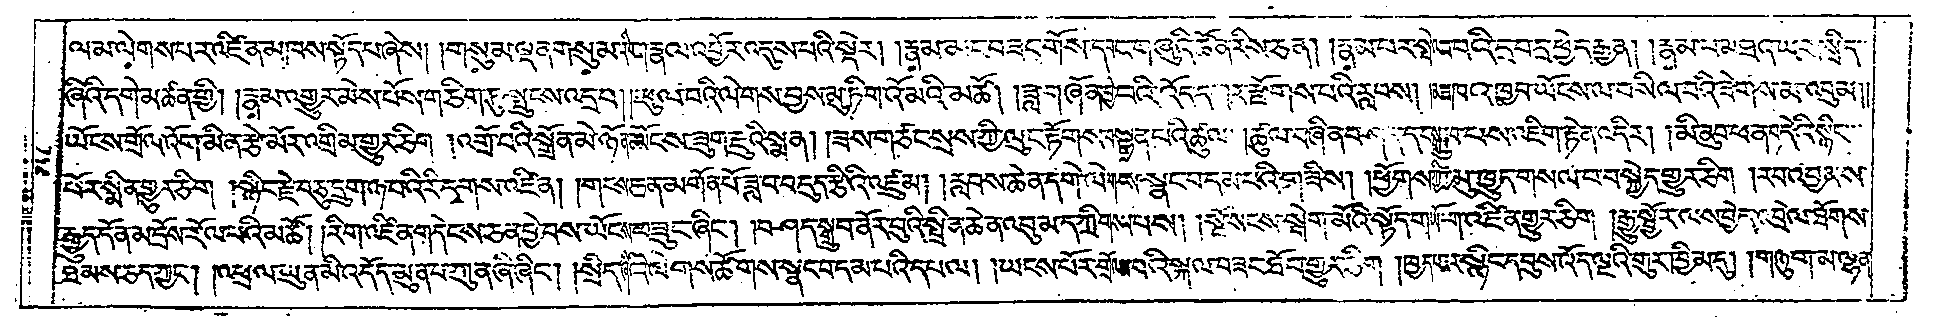ལམ་ལེགས྾་པར་འཛིན་མཁས་སྟོད་པ་ཞེས། །གསུམ྾་ལྡན་གསུམ྾་རིག་རྣལ་འབྱོར་འདུས་པའི་སྡེར། །རྣམ྾་མང་བཟང་གོས་དབང་གཞུའི་ཚོན་རིས་ཅན། །རྣམ྾་པར་སྤེལ་བའི་དྲ་བ་དྲ་ཕྱེད་རྒྱན། །རྣམ྾་པ་མཐའ་ཡས་སྲིད་
ཞིའི་དགེ་མཚན་གྱི། །རྣམ྾་འགྱུར་མེས་པོས་གཅིག་ཏུ་སྤུངས་འདྲ་བ། །ཕུལ་བའི་ལེགས་བྱས་མུ་ཏིག་འོ་མའི་མཚོ། །ཟླ་གཞོན་བྱེ་བའི་འོད་དཀར་རྫོགས་པའི་རླབས། །མཁའ་ཁྱབ་ཡོངས་ལ་བསིལ་བའི་ཟེགས་མ་འབུམ།།
ཡོངས་གྲོལ་འོག་མིན་རྩེ་མོར་འགྲིམ་གྱུར་ཅིག །འགྲོ་བའི་སྒྲོན་མེ་ཉོན་མོངས་ཟུག་རྔུའི་སྨན། །ཟས་གཙང་སྲས་ཀྱི་ལུང་རྟོགས་བསྟན་པའི་ཚུལ། །ཚུལ་བཞིན་བཤད་དང་སྒྲུབ་པས་འཇིག་རྟེན་འདིར། །མི་ནུབ་ཕན་བདེའི་སྙིང་
པོར་སྨིན་གྱུར་ཅིག །སྙིང་རྗེ་བཅུ་དྲུག་ཉ་བའི་རི་དྭགས་འཛིན། །གངས་ཅན་མགོན་པོ་ཟླ་བ་བདུད་རྩིའི་འཛུམ། །རླབས་ཆེན་དགེ་ལེགས་སྣང་བ་དམ་པའི་གཟིས། །ཕྱོགས་ཀྱི་མུ་ཁྱུད་གསལ་བ་བསྐྱེད་གྱུར་ཅིག །རབ་འབྱམས་
རྒྱུད་དོན་མ་དྲོས་རོལ་པའི་མཚོ། །རིག་འཛིན་གདེངས་ཅན་བྱེ་བས་ཡོངས་བཟུང་ཞིང་། །བཤད་སྒྲུབ་ནོར་བུའི་སྤྲིན་ཆེན་འབུམ་དཀྲིགས་པས། །སྔོ་སངས་སྒེག་མོའི་སྟོད་གཡོག་འཛིན་གྱུར་ཅིག །རྒྱུ་སྦྱོར་ལས་བྱེད་འབྲེལ་ཐོགས་
ཐམས་ཅད་ཀྱང་། །འཕྲལ་ཡུན་མི་འདོད་མུན་པ་ཀུན་ཞི་ཞིང་། །སྲིད་ཞིའི་ལེགས་ཚོགས་སྣང་བ་དམ་པའི་དཔལ། །ཡངས་པོར་གྲོལ་བའི་སྐལ་བཟང་ཐོབ་གྱུར་ཅིག །ཁྱད་པར་སྙིང་དབུས་འོད་ལྔའི་གུར་ཁྱིམ་དུ། །གཉུག་མ་ལྷན་